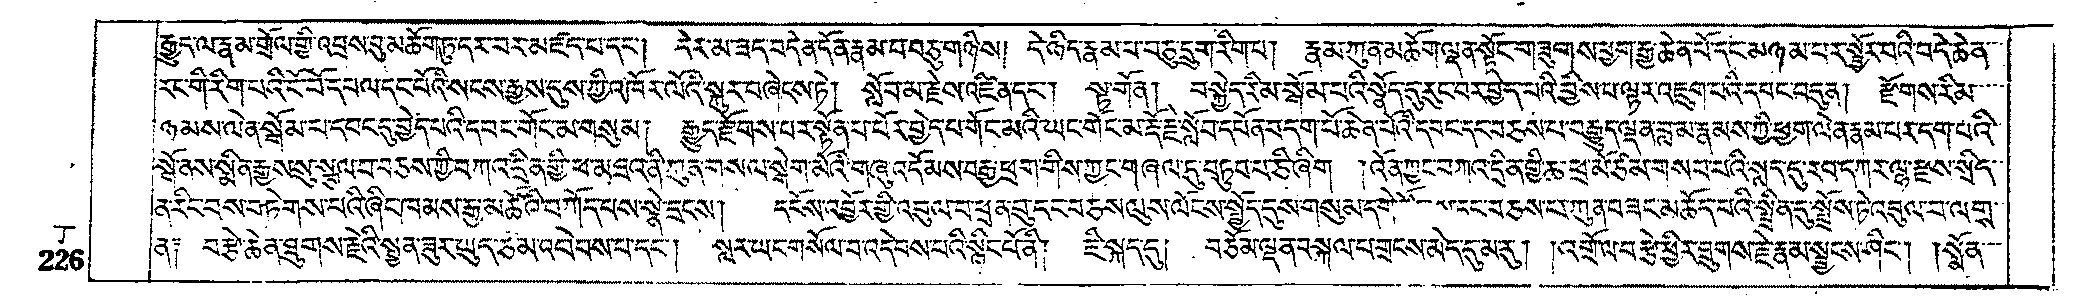རྒྱུད་ལ་རྣམ་གྲོལ་གྱི་འབྲས་བུ་མཆོག་ཏུ་དར་བར་མཛད་པ་དང་། དེར་མ་ཟད་བདེན་དོན་རྣམ་པ་བཅུ་གཉིས། དེ་ཉིད་རྣམ་པ་བཅུ་དྲུག་རིག་པ། རྣམ་ཀུན་མཆོག་ལྡན་སྟོང་གཟུགས་ཕྱག་རྒྱ་ཆེན་པོ་དང་མཉམ་པར་སྦྱོར་བའི་བདེ་ཆེན་་་
རང་གི་རིག་པའི་ངོ་བོ་དཔལ་དང་པོའི་སངས་རྒྱས་དུས་ཀྱི་འཁོར་ལོའི་སྐུར་བཞེངས་ཏེ། སློབ་མ་རྗེས་འཛིན་དང་། སྟ་གོན། བསྐྱེད་རིམ་སྒོམ་པའི་སྣོད་དུ་རུང་བར་བྱེད་པའི་བྱིས་པ་ལྟར་འཇུག་པའི་དབང་བདུན། རྫོགས་རིམ་་་
ཉམས་ལེན་སྒོམ་པ་དབང་དུ་བྱེད་པའི་དབང་གོང་མ་གསུམ། རྒྱུད་རྫོགས་པར་སྟོན་པ་པོར་བྱེད་པ་གོང་མའི་ཡང་གོང་མ་རྡོ་རྗེ་སློབ་དཔོན་བདག་པོ་ཆེན་པོའི་དབང་དང་བཅས་པ་བརྒྱུད་ལྡན་བླ་མ་རྣམས་ཀྱི་ཕྱག་ལེན་རྣམ་པར་དག་པའི་
སྒོ་ནས་སྨིན་རྒྱས་སུ་སྩལ་བ་བཅས་ཀྱི་བཀའ་དྲིན་གྱི་ཕ་མཐའ་ནི་ཀུན་གསལ་སྒེག་མོའི་གཞུ་འདོམས་བརྒྱ་ཕྲག་གིས་ཀྱང་གཞལ་དུ་བཏུབ་པ་ཅི་ཞིག །འོན་ཀྱང་བཀའ་དྲིན་གྱི་ཆ་ཕྲ་མོ་ཙམ་གསབ་པའི་སླད་དུ་རབ་དཀར་ལྷ་རྫས་སྲིད་་་
ན་རིང་བས་བཏེགས་པའི་ཞིང་ཁམས་རྒྱ་མཚོའི་བཀོད་པས་སྣེ་དྲངས། དངོས་འབྱོར་གྱི་འབུལ་བ་ཕྲན་བུ་དན་བཅས་ལུས་ལོངས་སྤྱོད་དུས་གསུམ་དགེ་ཚོགས་དང་བཅས་པ་ཀུན་བཟང་མཆོད་པའི་སྤྲིན་དུ་སྤྲོས་ཏེ་འབུལ་བ་ལགས་་་
ན༑ བརྩེ་ཆེན་ཐུགས་རྗེའི་སྤྱན་ཟུར་ཡུད་ཙམ་འབེབས་པ་དང་། སླར་ཡང་གསོལ་བ་འདེབས་པའི་སྙིང་པོ་ནི། ཇི་སྐད་དུ། བཅོམ་ལྡན་བསྐལ་པ་གྲངས་མེད་དུ་མ་རུ། །འགྲོ་ལ་བརྩེ་ཕྱིར་ཐུགས་རྗེ་རྣམ་སྦྱངས་ཤིང་། །སྨོན་་་